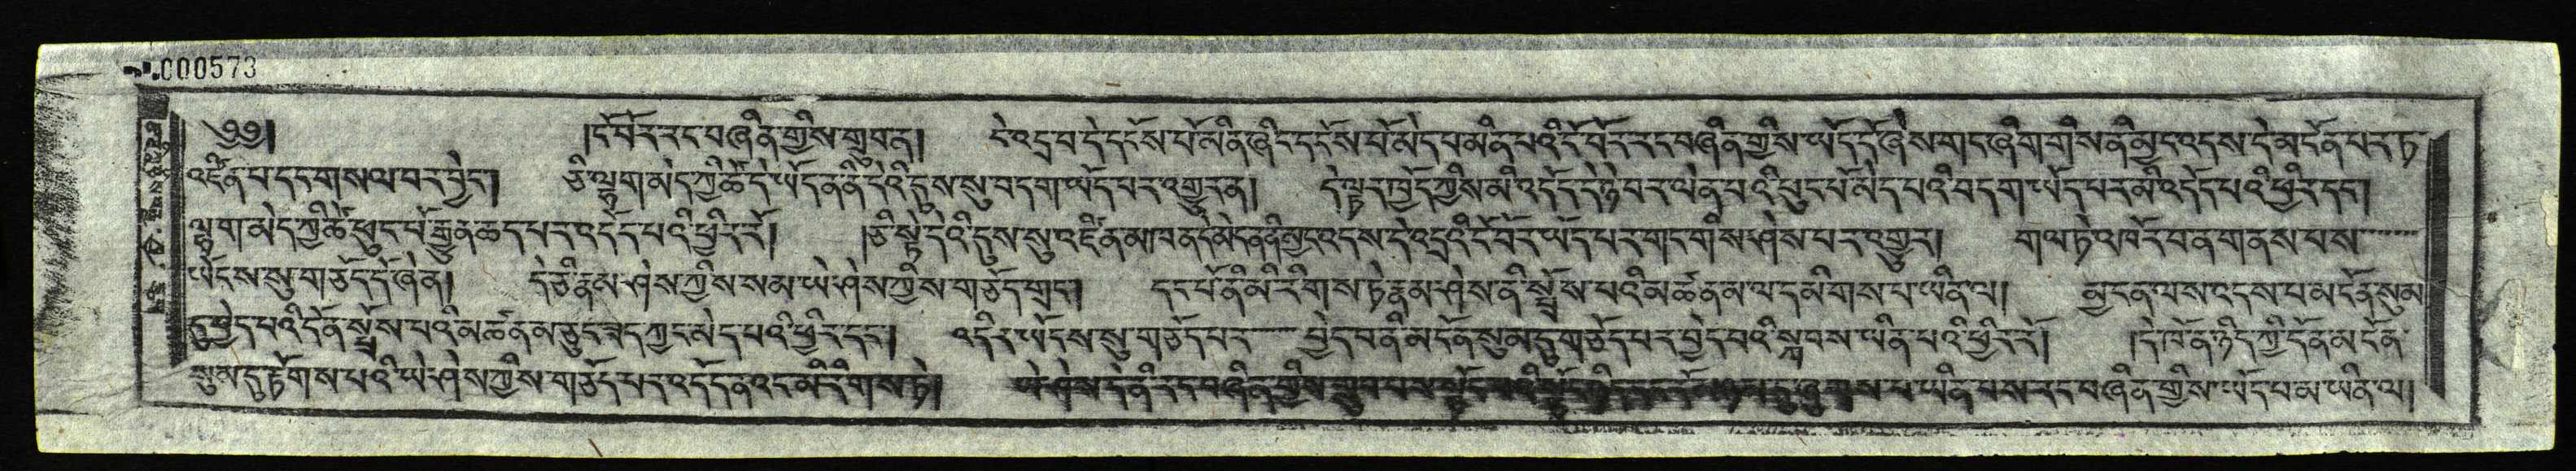༄༅། །ངོ་བོར་རང་བཞིན་གྱིས་གྲུབ་ན། དེ་འདྲ་བ་དེ་དངོས་པོ་མིན་ཞིང་དངོས་པོ་མེད་པ་མིན་པའི་ངོ་བོར་རང་བཞིན་གྱིས་ཡོད་དོ་ཞེས་གང་ཞིག་གིས་ནི་མྱང་འདས་དེ་མངོན་པར་ཏེ་
འཛིན་པ་དང་གསལ་བར་བྱེད། ཅི་ལྷག་མེད་ཀྱི་ཚེ་དེ་ཡོད་ན་ནི་དེའི་དུས་སུ་བདག་ཡོད་པར་འགྱུར་ན། དེ་ལྟར་ཁྱོད་ཀྱིས་མི་འདོད་དེ་ཉེ་བར་ལེན་པའི་ཕུང་པོ་མེད་པའི་བདག་ཡོད་པར་མི་འདོད་པའི་ཕྱིར་དང་།
ལྷག་མེད་ཀྱི་ཚེ་ཕུང་པོ་རྒྱུན་ཆད་པར་འདོད་པའི་ཕྱིར་རོ། །ཅི་སྟེ་དེའི་དུས་སུ་འཛིན་མཁན་དེ་མེད་ན་ནི་མྱང་འདས་དེ་འདྲའི་ངོ་བོར་ཡོད་པར་གང་གིས་ཤེས་པར་འགྱུར། གལ་ཏེ་འཁོར་བ་ན་གནས་པས་
ཡོངས་སུ་གཅོད་དོ་ཞེ་ན། དེ་ཅི་རྣམ་ཤེས་ཀྱིས་སམ་ཡེ་ཤེས་ཀྱིས་གཅོད་གྲང་། དང་པོ་ནི་མི་རིགས་ཏེ་རྣམ་ཤེས་ནི་སྤྲོས་པའི་མཚན་མ་ལ་དམིགས་པ་ཡིན་ལ། མྱ་ངན་ལས་འདས་པ་མངོན་སུམ་
དུ་བྱེད་པའི་དོན་སྤྲོས་པའི་མཚན་མ་ཅུང་ཟད་ཀྱང་མེད་པའི་ཕྱིར་དང་། འདིར་ཡོངས་སུ་གཅོད་པར་བྱེད་པ་ནི་མངོན་སུམ་དུ་གཅོད་པར་བྱེད་པའི་སྐབས་ཡིན་པའི་ཕྱིར་རོ། །དེ་ཁོ་ན་ཉིད་ཀྱི་དོན་མངོན་
སུམ་དུ་རྟོགས་པའི་ཡེ་ཤེས་ཀྱིས་གཅོད་པར་འདོད་ནའང་མི་རིགས་ཏེ། ཡེ་ཤེས་དེ་ནི་རང་བཞིན་གྱིས་གྲུབ་པས་སྟོང་པའི་སྟོང་ཉིད་དང་རོ་མཉམ་དུ་ཞུགས་པ་ཡིན་པས་རང་བཞིན་གྱིས་ཡོད་པ་མ་ཡིན་ལ།